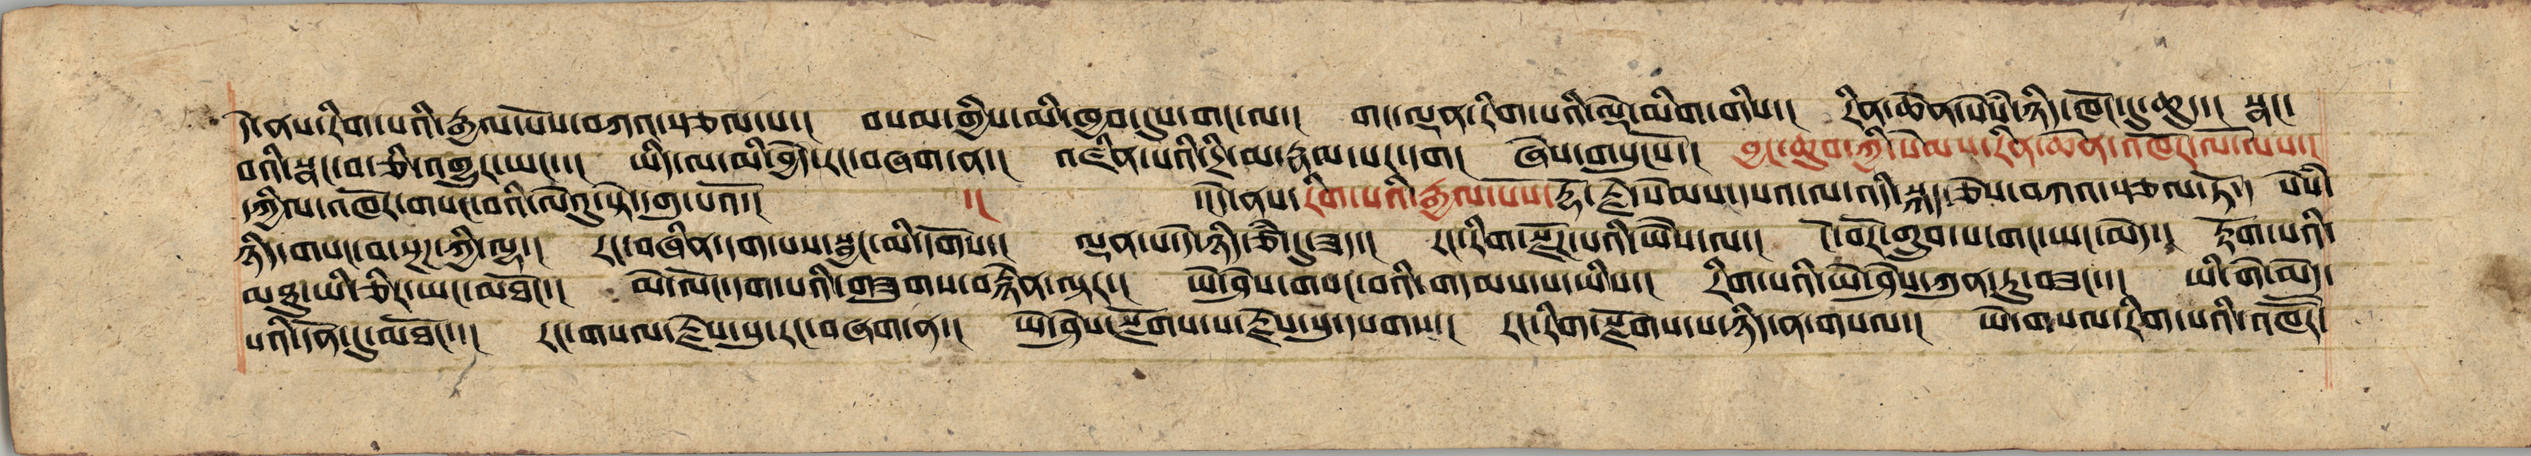དེ་ནས་རིག་པའི་རྒྱལ་པོས་བཀའ་སྩལ་པ་། བསམ་གྱིས་མི་ཁྱབ་དུས་གང་ལ་། གང་ལྡན་རིག་པའི་ལྡེ་མིག་གིས་། རིན་ཆེན་སེསཾ་ཉིད་ཁོང་དུ་ཆུད་། སྣང་
བའི་སྣང་བ་ཅི་འགྱུར་ཡང་། ཡིད་ལ་མི་བྱེད་རང་བཞག་ན་། འཛིན་པའི་དྲི་མ་རྣམ་པར་དག། ཞེས་གསུངསོ་། བྱང་ཆུབ་ཀྱི་སེམས་རིན་ཆེན་འཁོར་ལོ་ལས་།
དཀྱིལ་འཁོར་གསང་བའི་ལེའུ་སྟེ་དགུ་པའོ། ་། ་།དེ་ནས་རིག་པའི་རྒྱལ་པོས་རྡོ་རྗེ་སེམས་དཔའ་ལ་འདི་སྐད་ཅེས་བཀའ་རྩལ་ཏོ་། སེསཾ་
ཉིད་གསང་བ་སྔཌ་ཀྱི་ལྷ་། རང་བཞིན་དག་པས་སྦྱང་མི་དགོས་། ལྡན་པ་དེ་ཉིད་ཙཾ་དུ་ཟད་། རང་རིག་སྫོགས་པའི་ཡཻས་ལ་། ངོ་བོར་གྲུབ་པ་གང་ཡང་མེད་། རྟོག་པའི་
མཐུ་ཡི་ཅིར་ཡང་མཐོང་། མེ་ལོང་དག་པའི་གཟུགས་བརྙེན་ལྟར་། ཡེ་ཤེས་གསང་བའི་གདམས་པ་ཡིས་། རིག་པའི་ཡེ་ཤེས་ཀུན་ཏུ་བཟང་། ཡི་གེ་མེད་
པའི་དོན་དུ་མཐོང་། རང་གསལ་རྗེས་སུ་རང་གཞག་ན་། ཡེ་ཤེས་སྫོགས་པ་རྗེས་སུ་དཔགས་། རང་རིག་སྫོགས་པ་ཉིད་ན་གསལ་། ཡེ་གསལ་རིག་པའི་འཁོར་